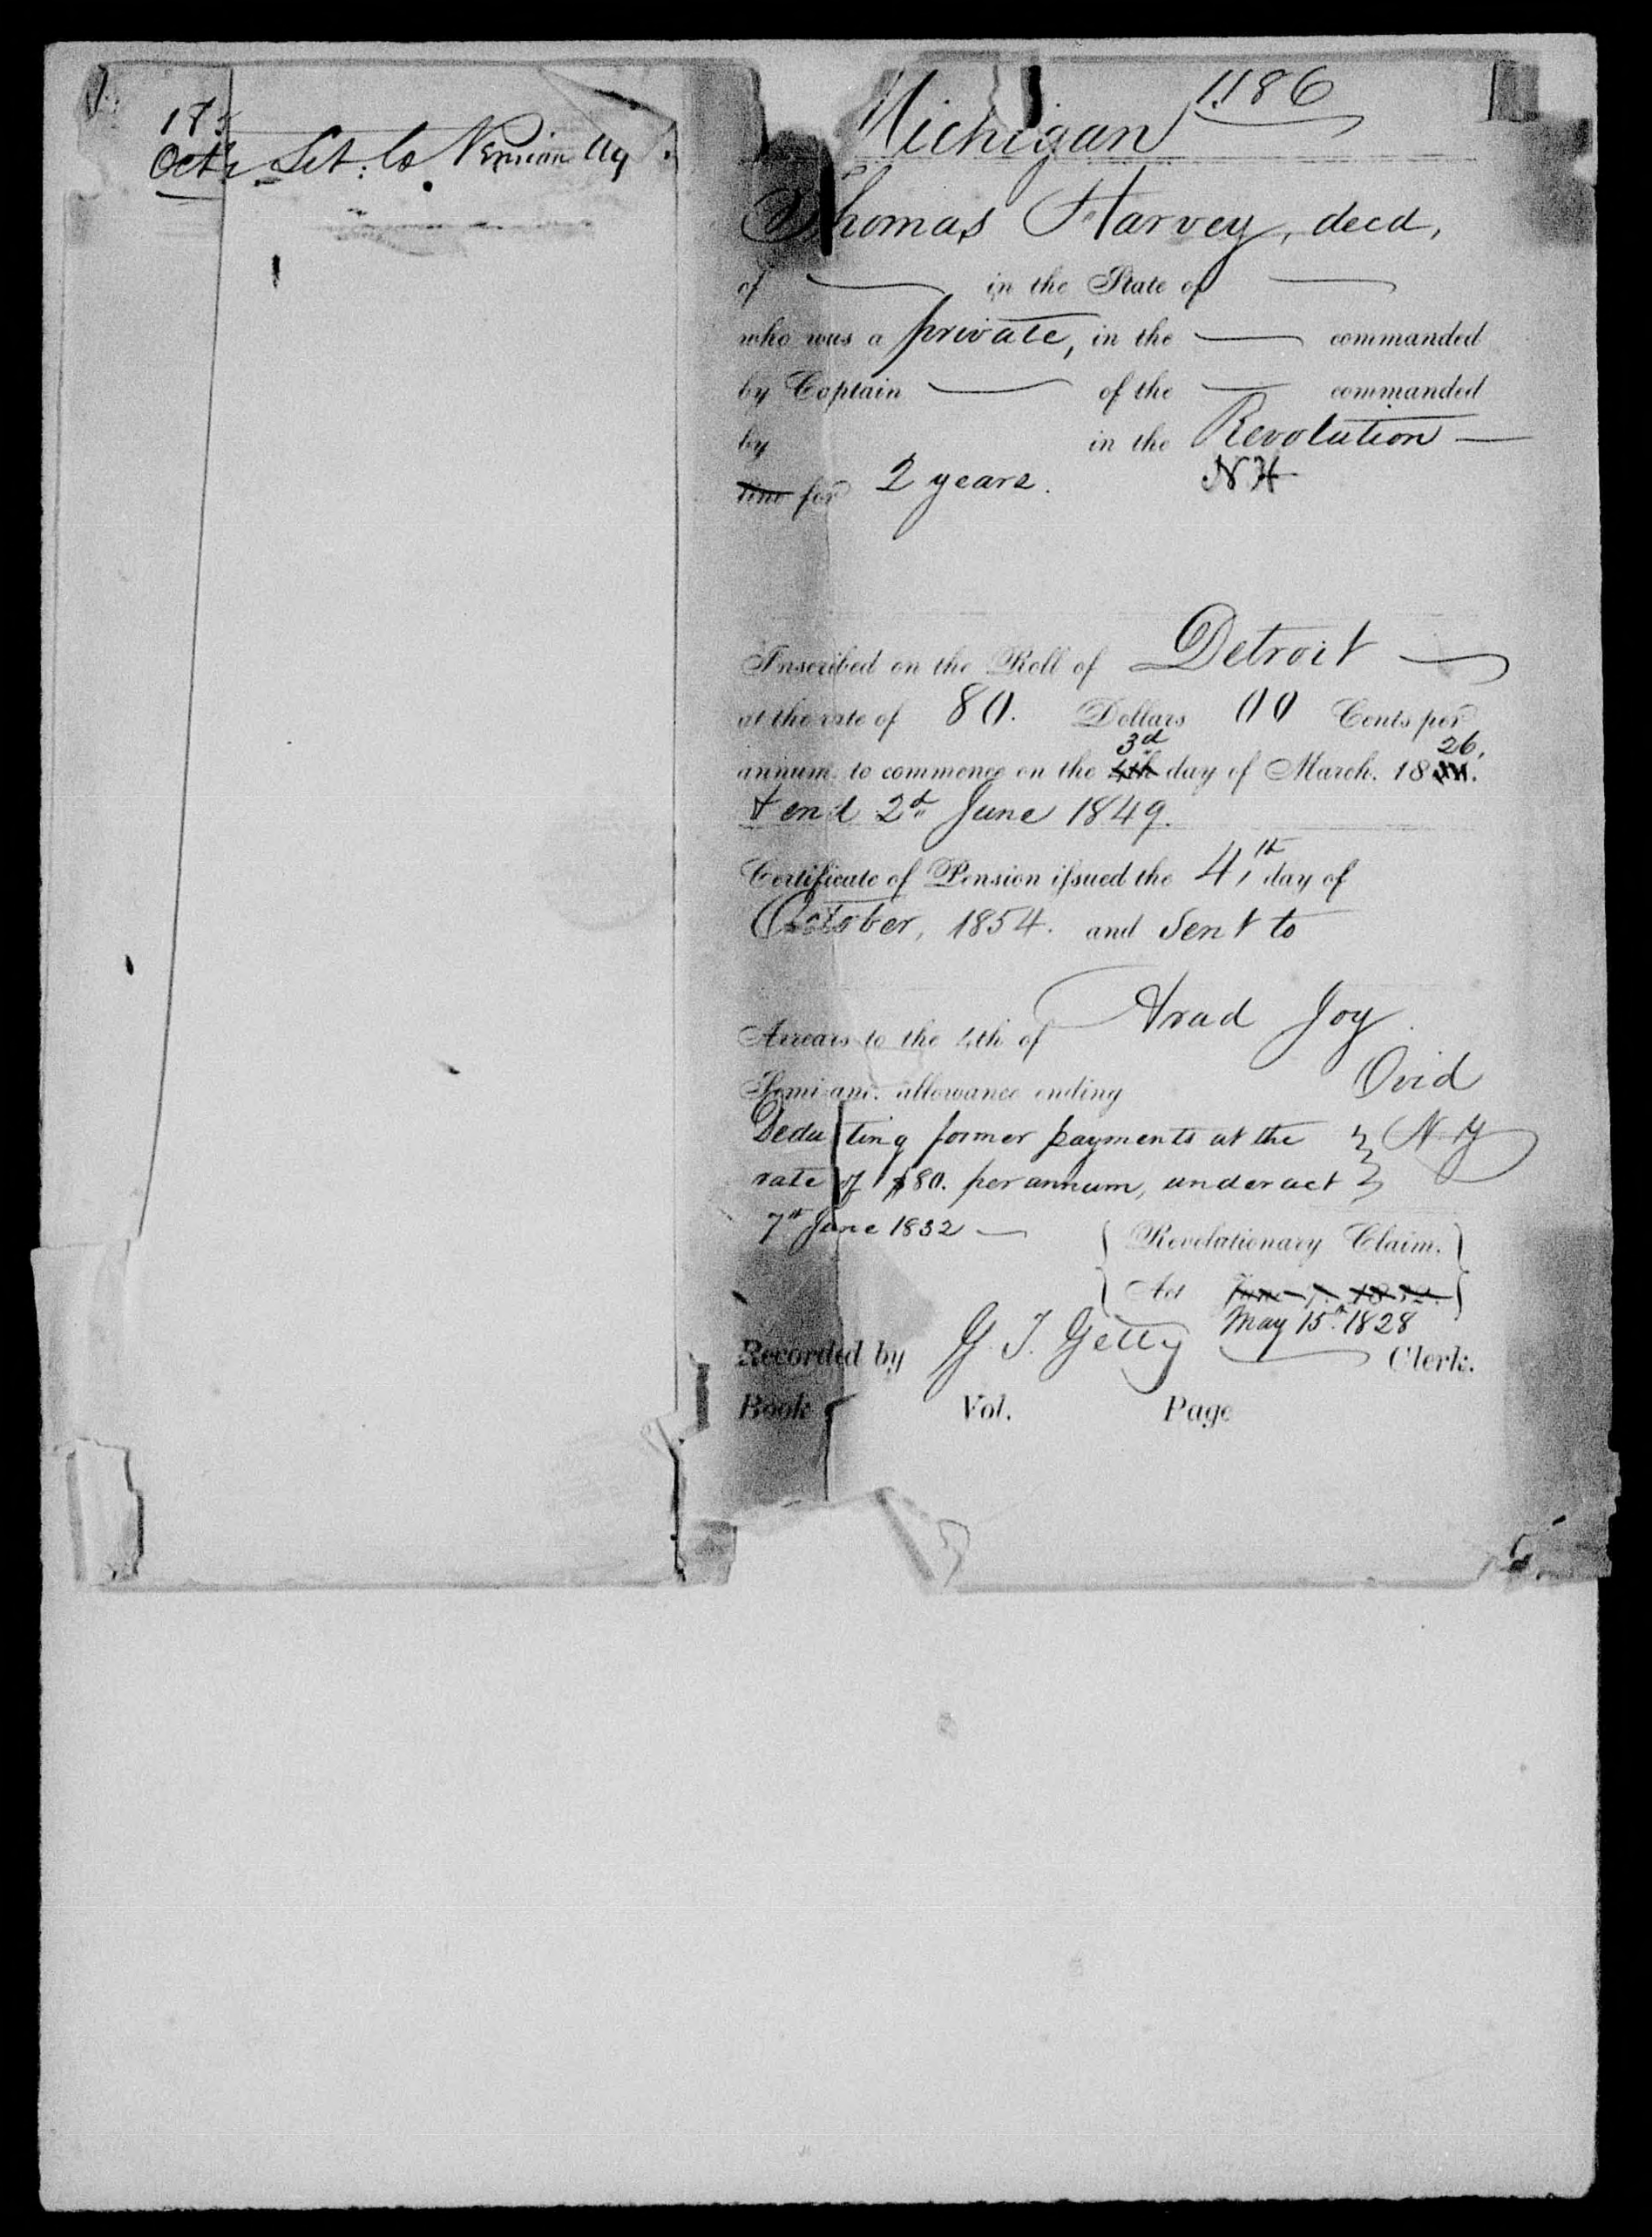[verso]
185 Oct'r Let to Pension Agt

[recto]
1186
Michigan
Thomas Harvey, decd, of [blank] in the State of [blank] who was a private, in the [blank] commanded by Captain [blank] of the [blank] commanded by [blank] in the Revolution NH ['line' crossed out] for 2 years.
Inscribed on the Roll of Detroit at the rate of 80 Dollars 00 Cents per annum to commence on the ['4th' crossed out] 3d day of March, 1826, ['31' crossed out]. & end 2d June 1849.
Certificate of Pension issued the 4th day of October, 1854. and sent to Arad Joy Ovid NY
Arrears to the 4th of [blank] [blank]
Semi-anl. allowance ending [blank] [blank]
Deducting former payments at the rate of $80. per annum, under act 7th June 1832 - 
{Revolutionary Claim, Act ['June 7, 1832' crossed out] May 15th 1828
Recorded by G. T. Getty Clerk.
Book [blank] Vol. [blank] Page [blank]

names: G T Getty, Thomas Harvey, Arad Joy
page: 2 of 80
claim: survivor's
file: S. 18008, Thomas Harvey, N.H.